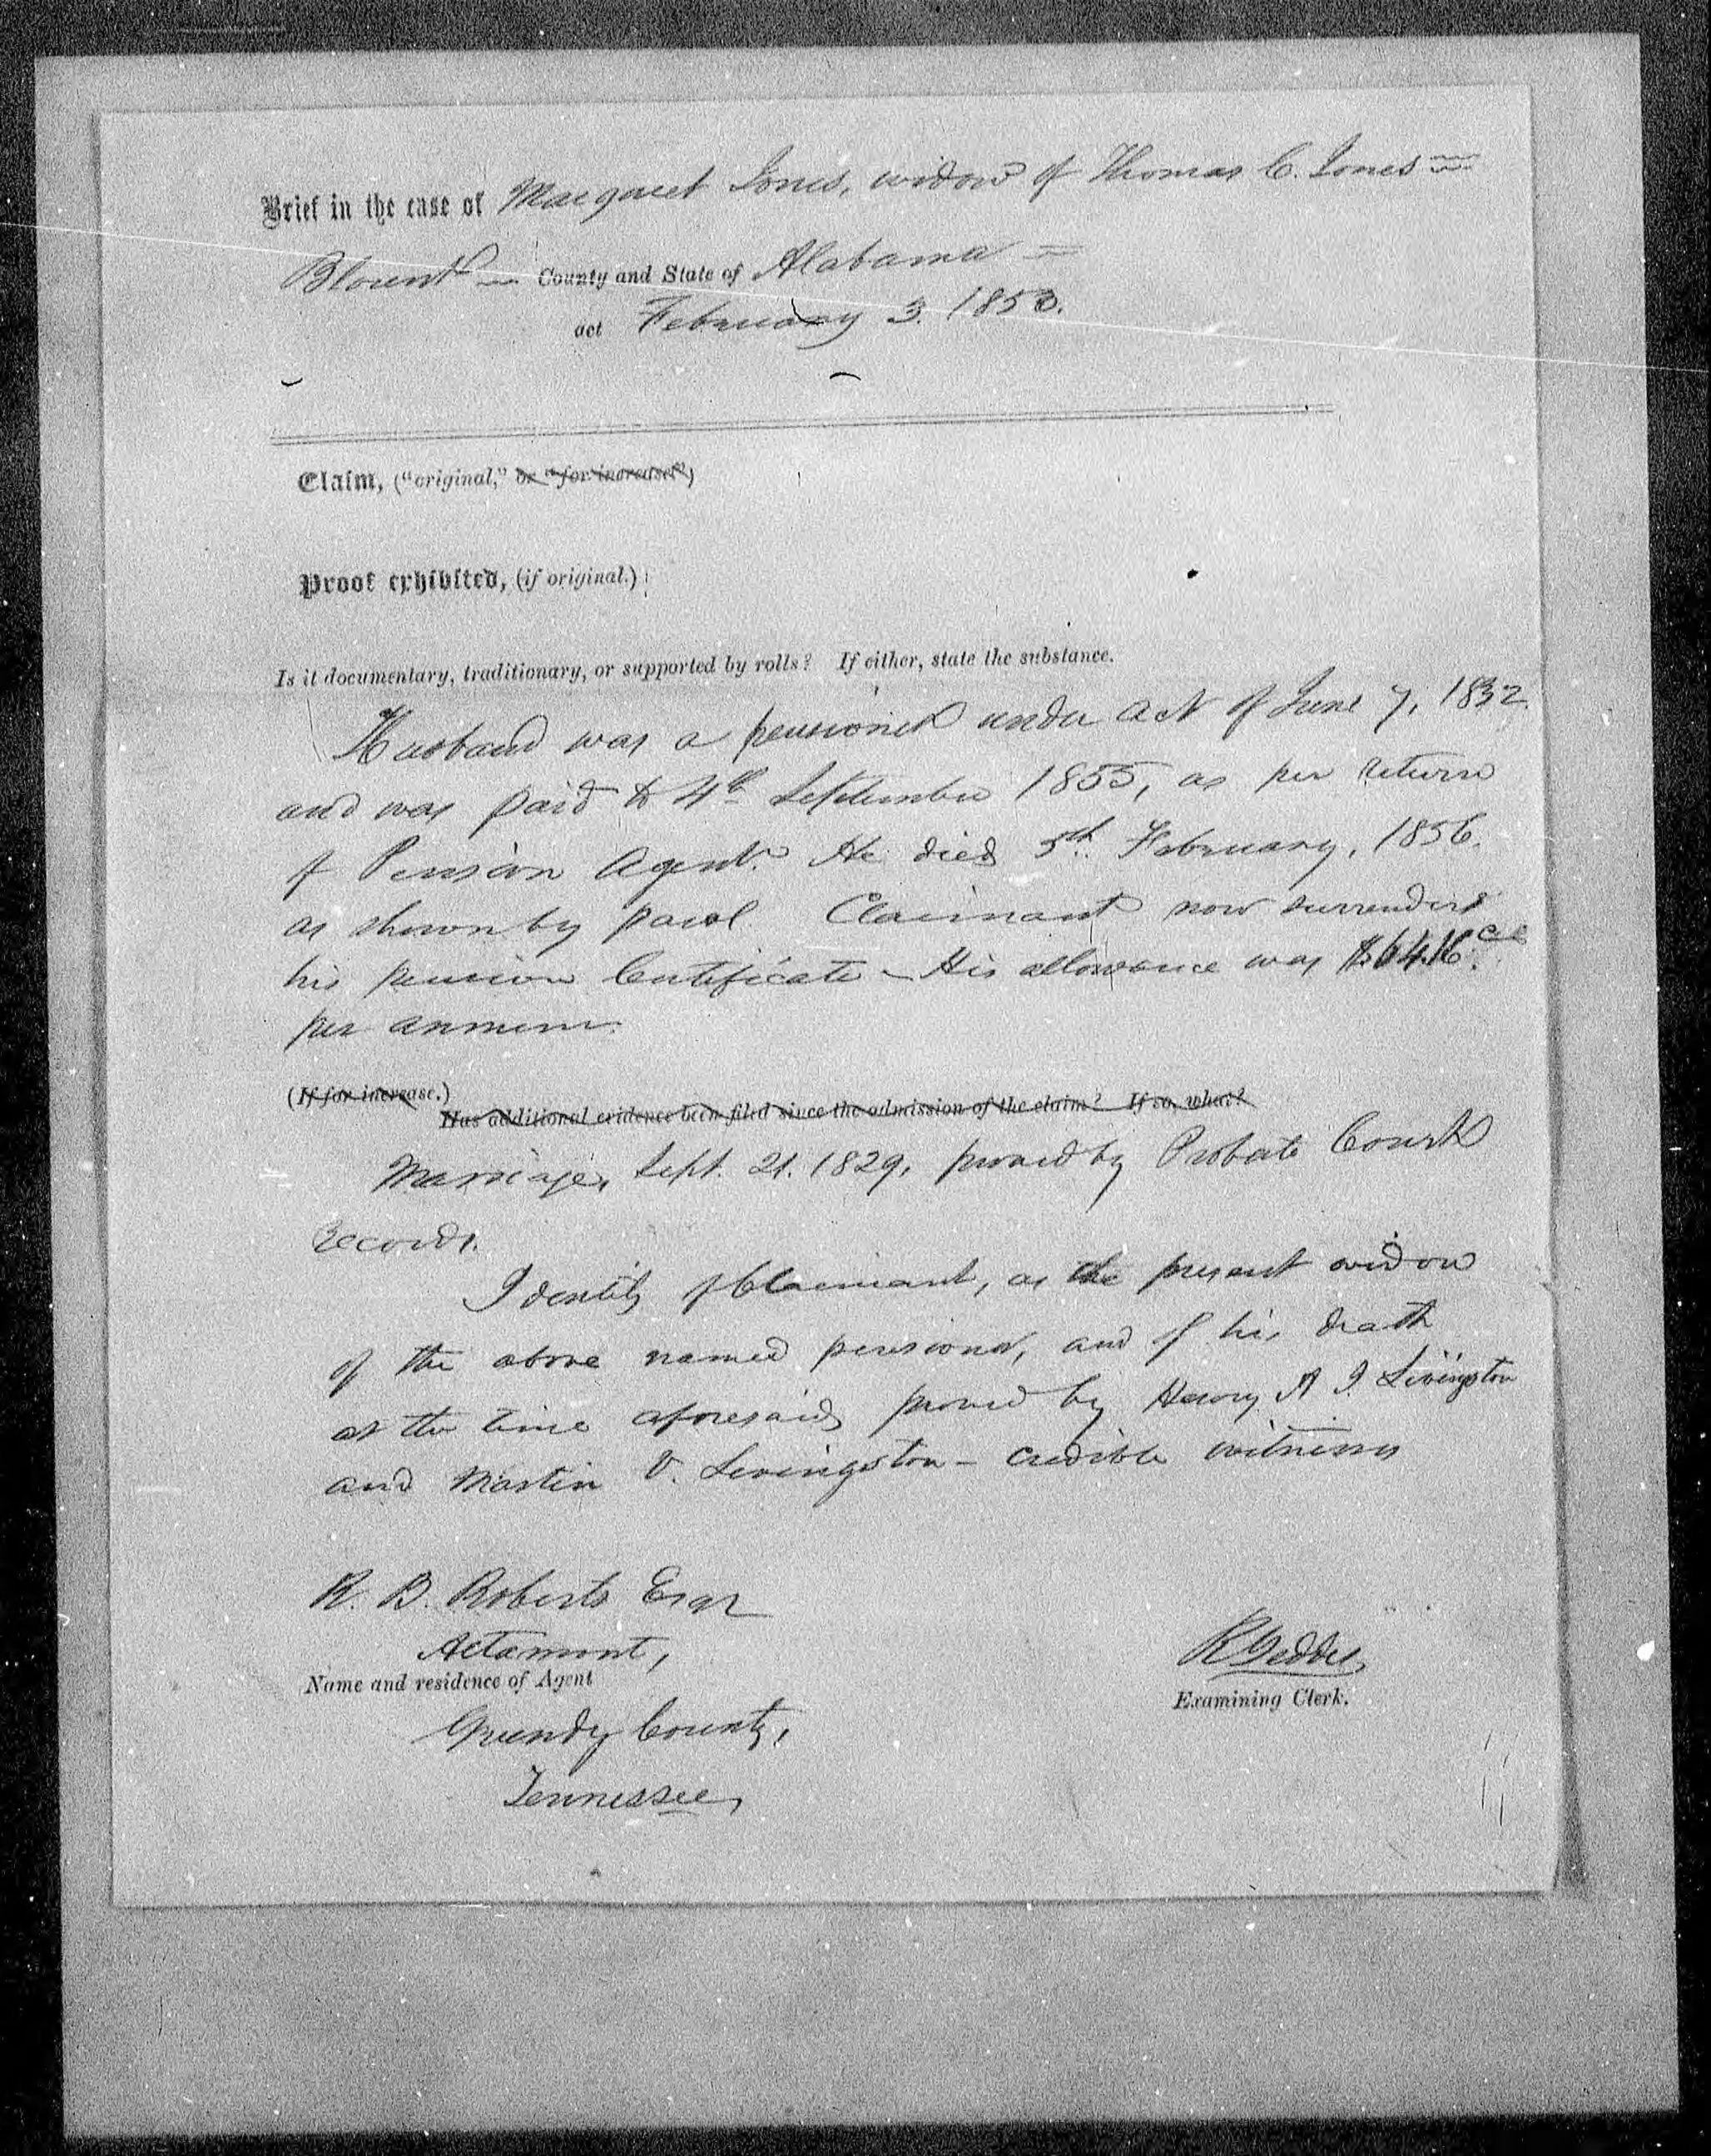Brief in the case of Margaret Jones, widow of Thomas C. Jones
Blount County and State of Alabama
act February 3, 1853
-----------
Claim, "original"

Proof exhibited (if original)
Is it documentary, traditionary, or supported by rolls?  If either, state the substance.
Husband was a pensioner under Act of June 7, 1832
and was paid to 4th September 1855, as per return
of Pension Agent.  He died 5th February, 1856.
as shown by paid  Claimant now surrendered 
his pension Certificate.  His allowance was $64.16 per annum.  
Marriage Sept. 21, 1829, proved by Probate Court
records.
Identity of claimant, as the present widow   
of the above named pensioner, and of his death
as the time aforesaid proved by Henry A.J. Livingston
and Martin V Livingston - credible witnesses

R.B. Roberts Esq
Altamont
Name and residence of Agent
Grundy County,
Tennessee

R Geddie [?]
Examining Clerk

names: R B Roberts; Thomas C Jones; Henry A J Livingston; Margaret Jones; Martin V Levingston; R Geddes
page: 34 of 45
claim: widow's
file: W. 26160, for Thomas C Jones, Georgia